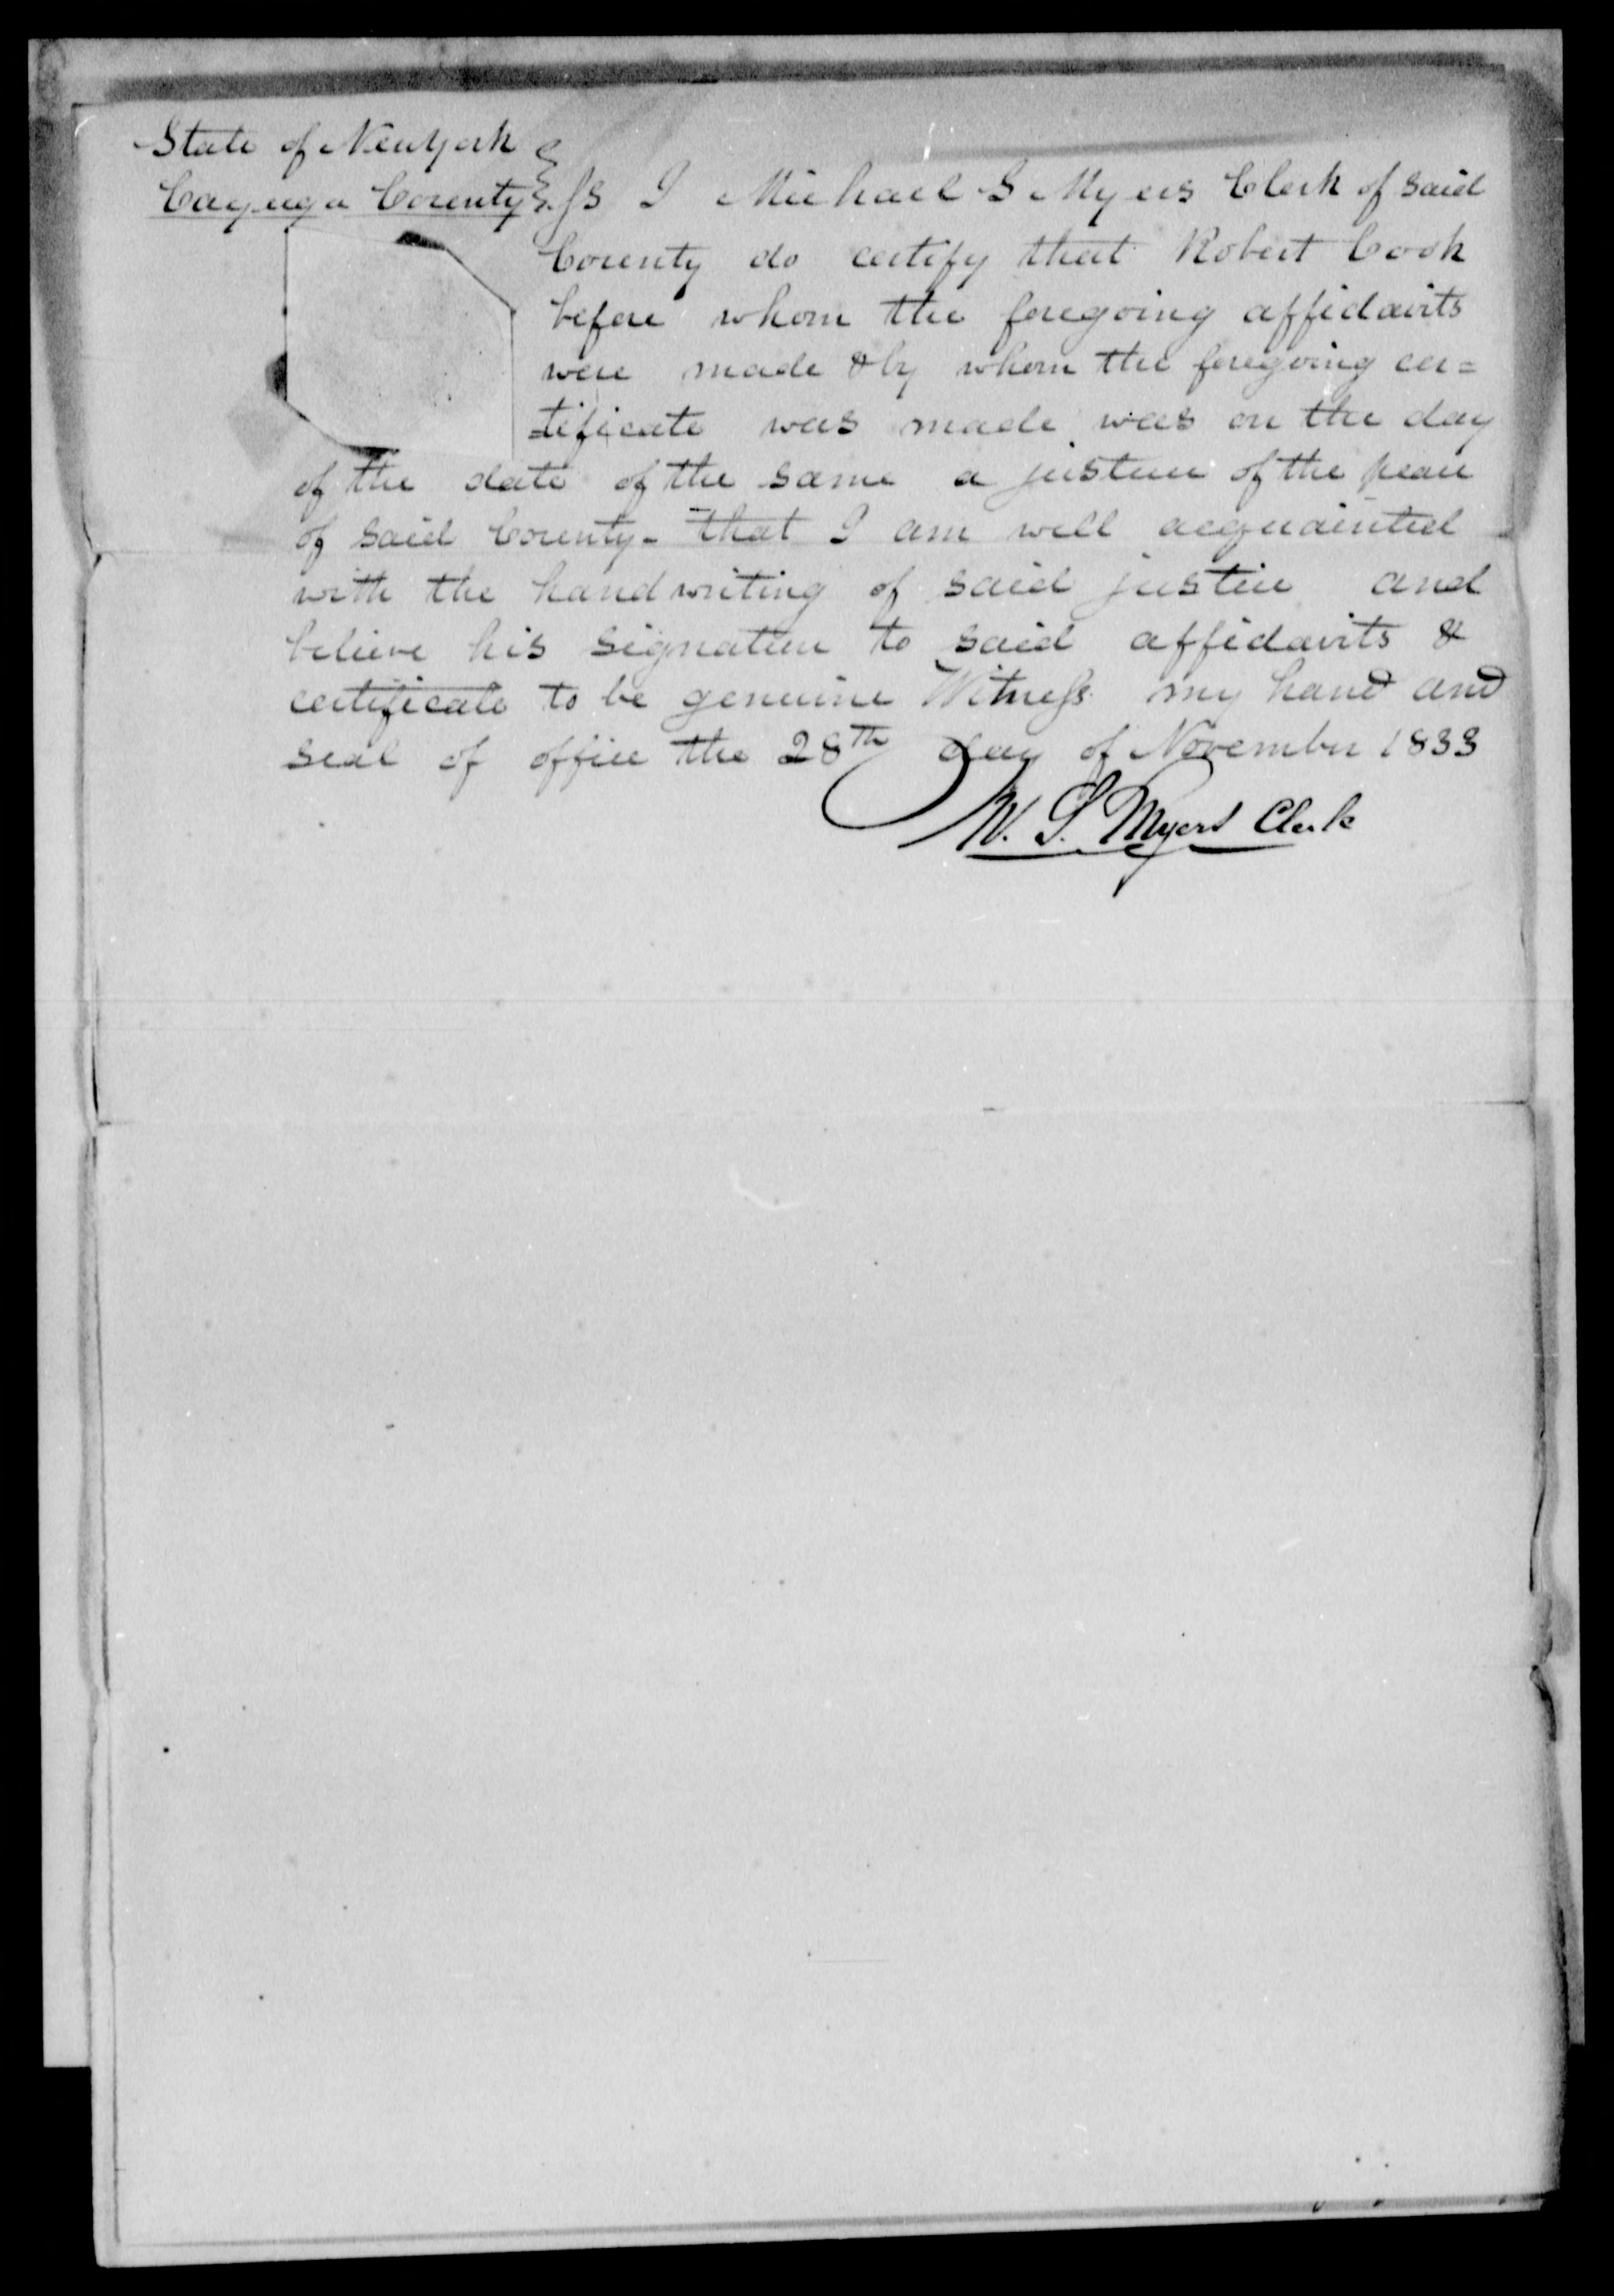State of New York
Cayuga County } ss 
I Michael S Myers Clerk of said County do certify that Robert Cook before whom the foregoing affidavits were made & by whom the foregoing certificate was made was on the day of the date of the same a justice of the peace of said County. That I am well acquainted with the handwriting of said justice and believe his signature to said affidavits & certificate to be genuine Witness my hand and seal of office the 28th day of November 1833
[signature] S Myers Clerk

[illegible Seal of Office affixed upper left]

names: Michael S Myers, Robert Cook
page: 13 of 29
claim: widow's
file: W. 22604, Prosper Wheeler, Conn.